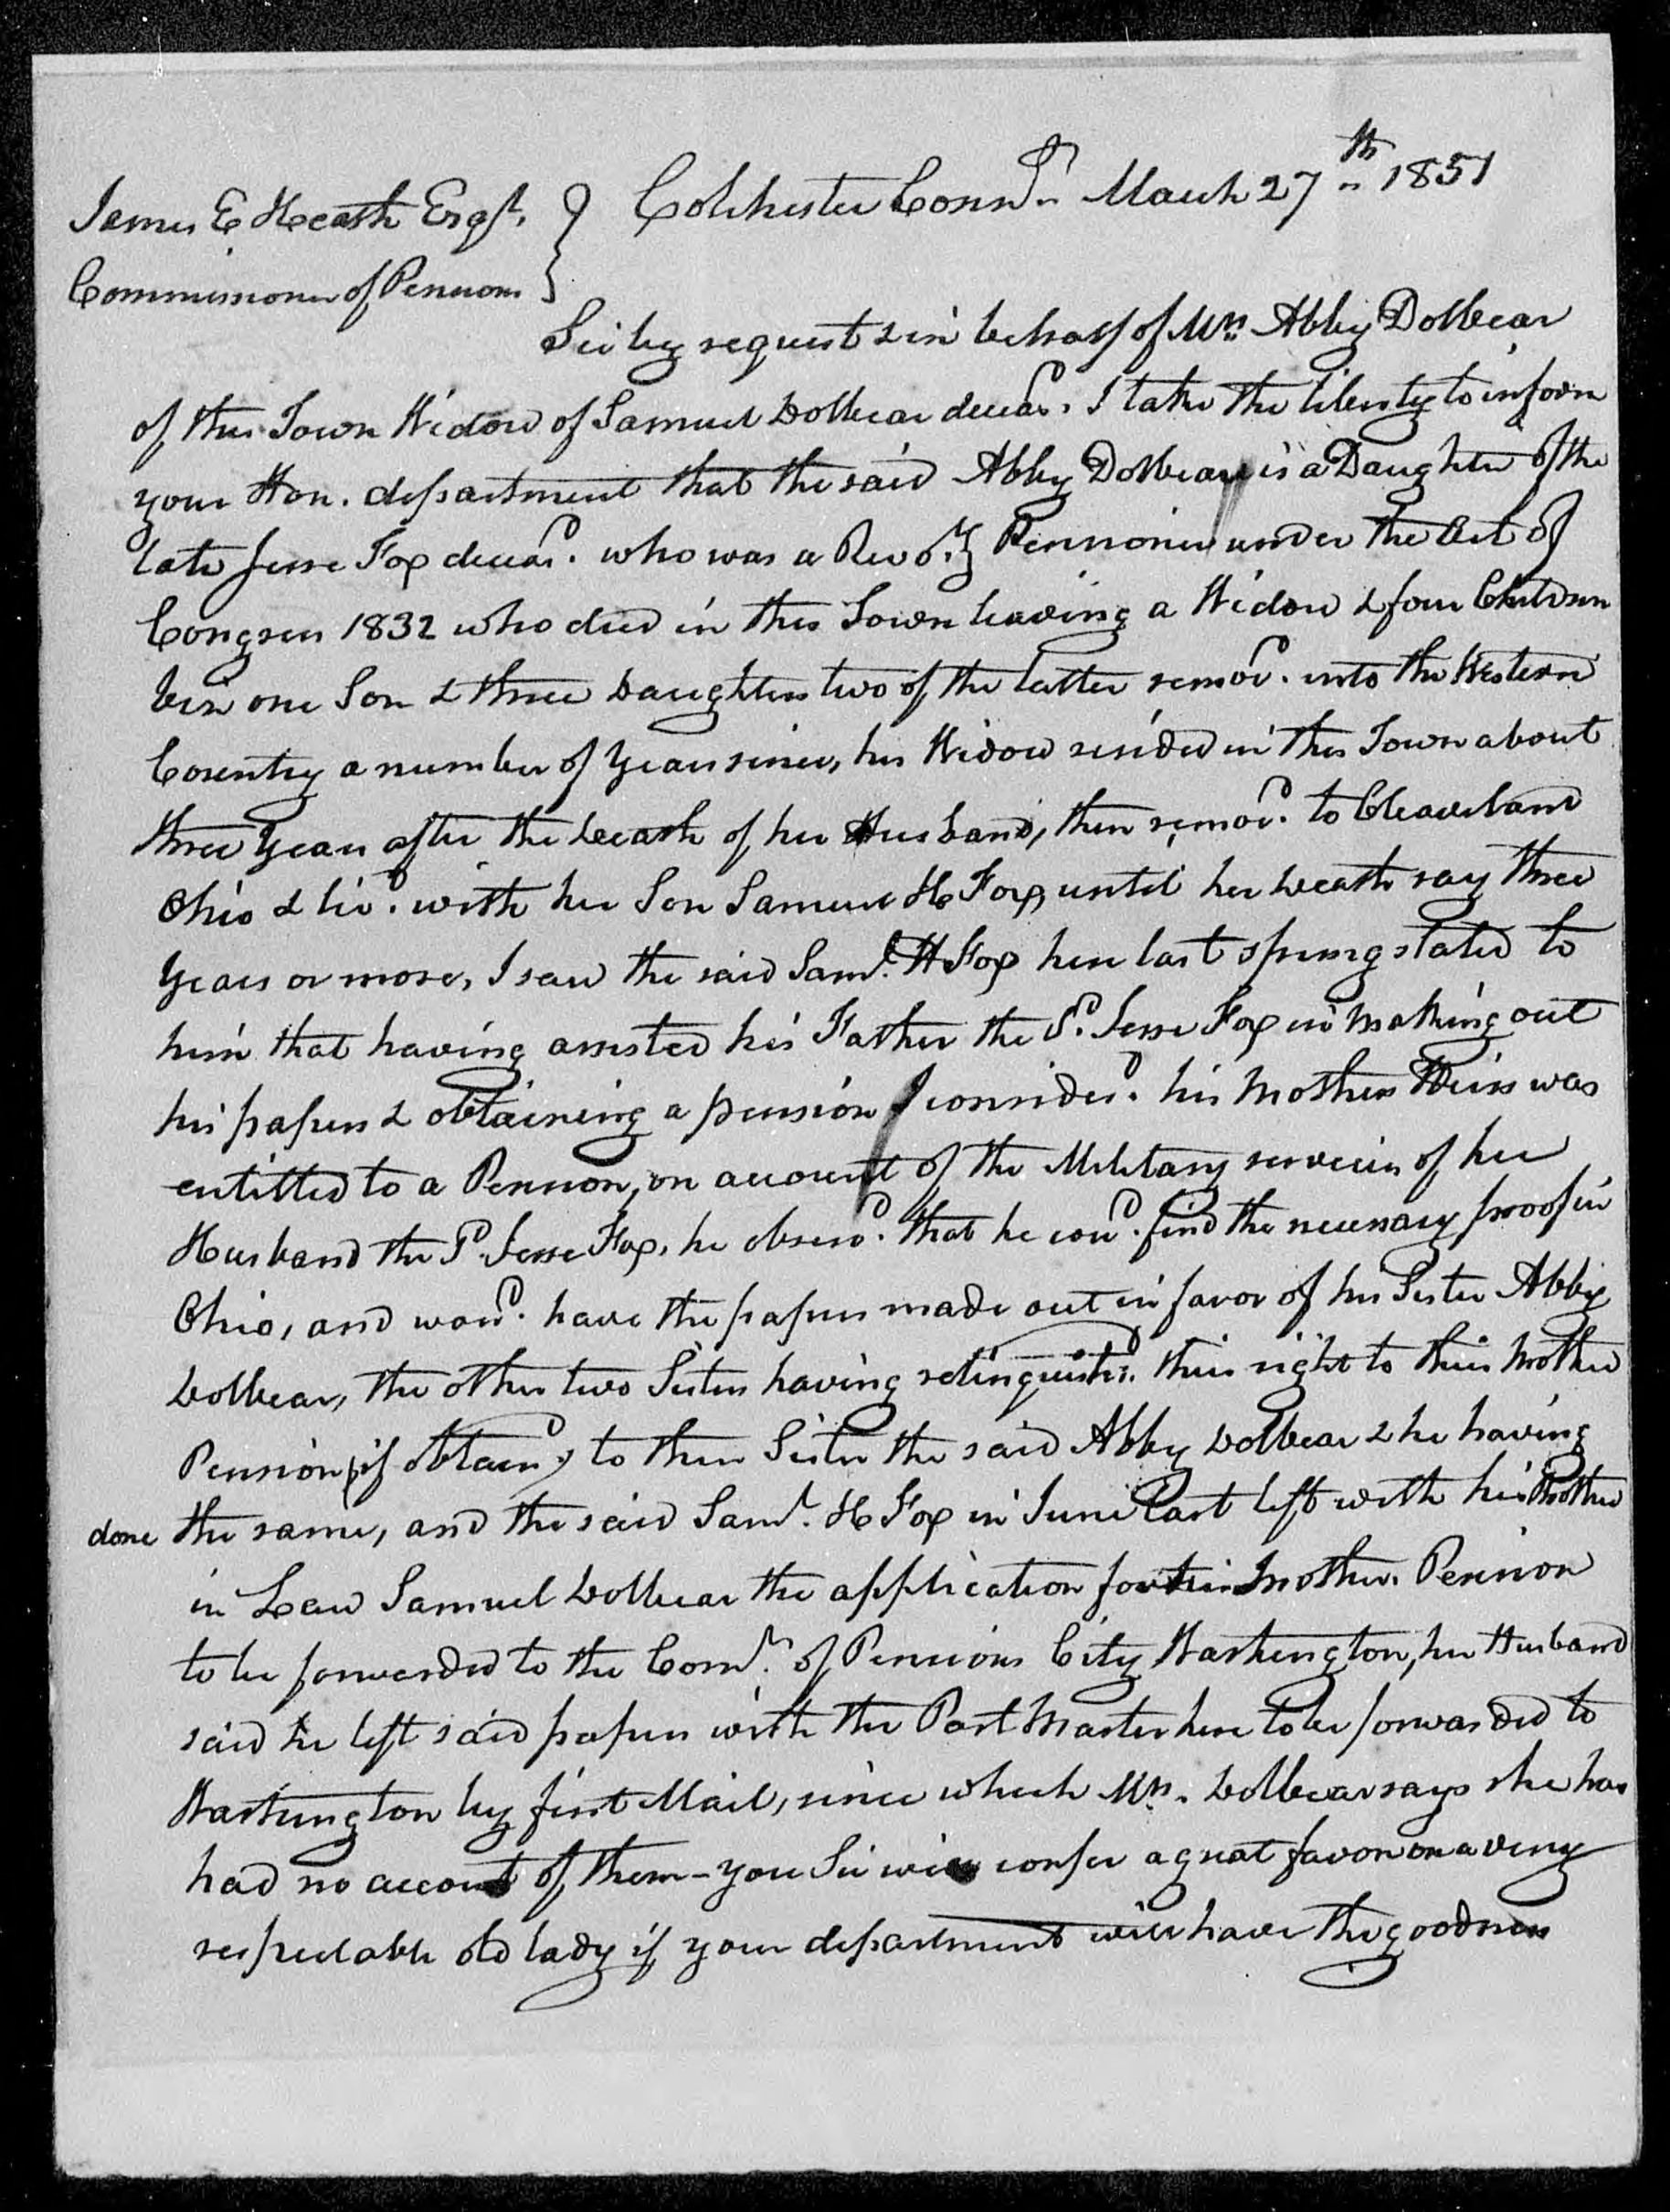James E Heath Esq
Commissioner of Pensions} Colchester Connt. March 27th 1851

Sir by requests in behalf of Mrs. Abby Dolbear of this Town widow if Samuel Dolbear decesd, I take the liberty to inform your Hon. department that the said Abby Dolbear is a daughter if the late Jesse Fox deceasd who was Revoly Pensioner under the act of Congress 1832 who died in this Town leaving a widow & four children, viz one son & three daughters, two of the latter removd into the Western Country a number of years since, his widow resided in this Town about three years after the death of her husband, then removd to Cleaveland Ohio & livd with her son Damuel H Fox until her death say three years or more, I saw the said Saml H Fox here last spring stated to him that having assisted his Father the sd Jesse Fox in making out his papers & obtaining a pension I considerd his mother s heirs was entitled to a pension, on account of the military services of her husband the sd Jesse Fox, he observd that he cond find the necessary proof in Ohio, and would have the papers made out in favor of his sister Abby Dolbear, the other two sisters having relinquished their right to their brothers pension (if obtained) to their sister the said Abby Dolbear & he having done the same, and the said Saml H Fox in June last left with his bother in law Samuel Dolbear the application [unk]. On other pension to be forwarded to the Commr of Pensions City Washington, her husband said he left said papers with the Postmaster here to be forwarded to Washington by first mail, since which Mrs. Dolbear says she has had no account of them, you Sir will confer a great favor on a very respectable old lady if your department will have the goodness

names: Dolbear, James E Heath, Abby Dolbear, Abby Dolbear, Jesse Fox, Abby Dolbear, Samuel Dolbear, Jesse Fox, Samuel Dolbear, Saml H Fox, Abby Dolbear, Jesse Fox, Saml H Fox, Samuel H Fox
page: 26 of 53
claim: rejected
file: R. 3732, Jesse Fox, Conn.